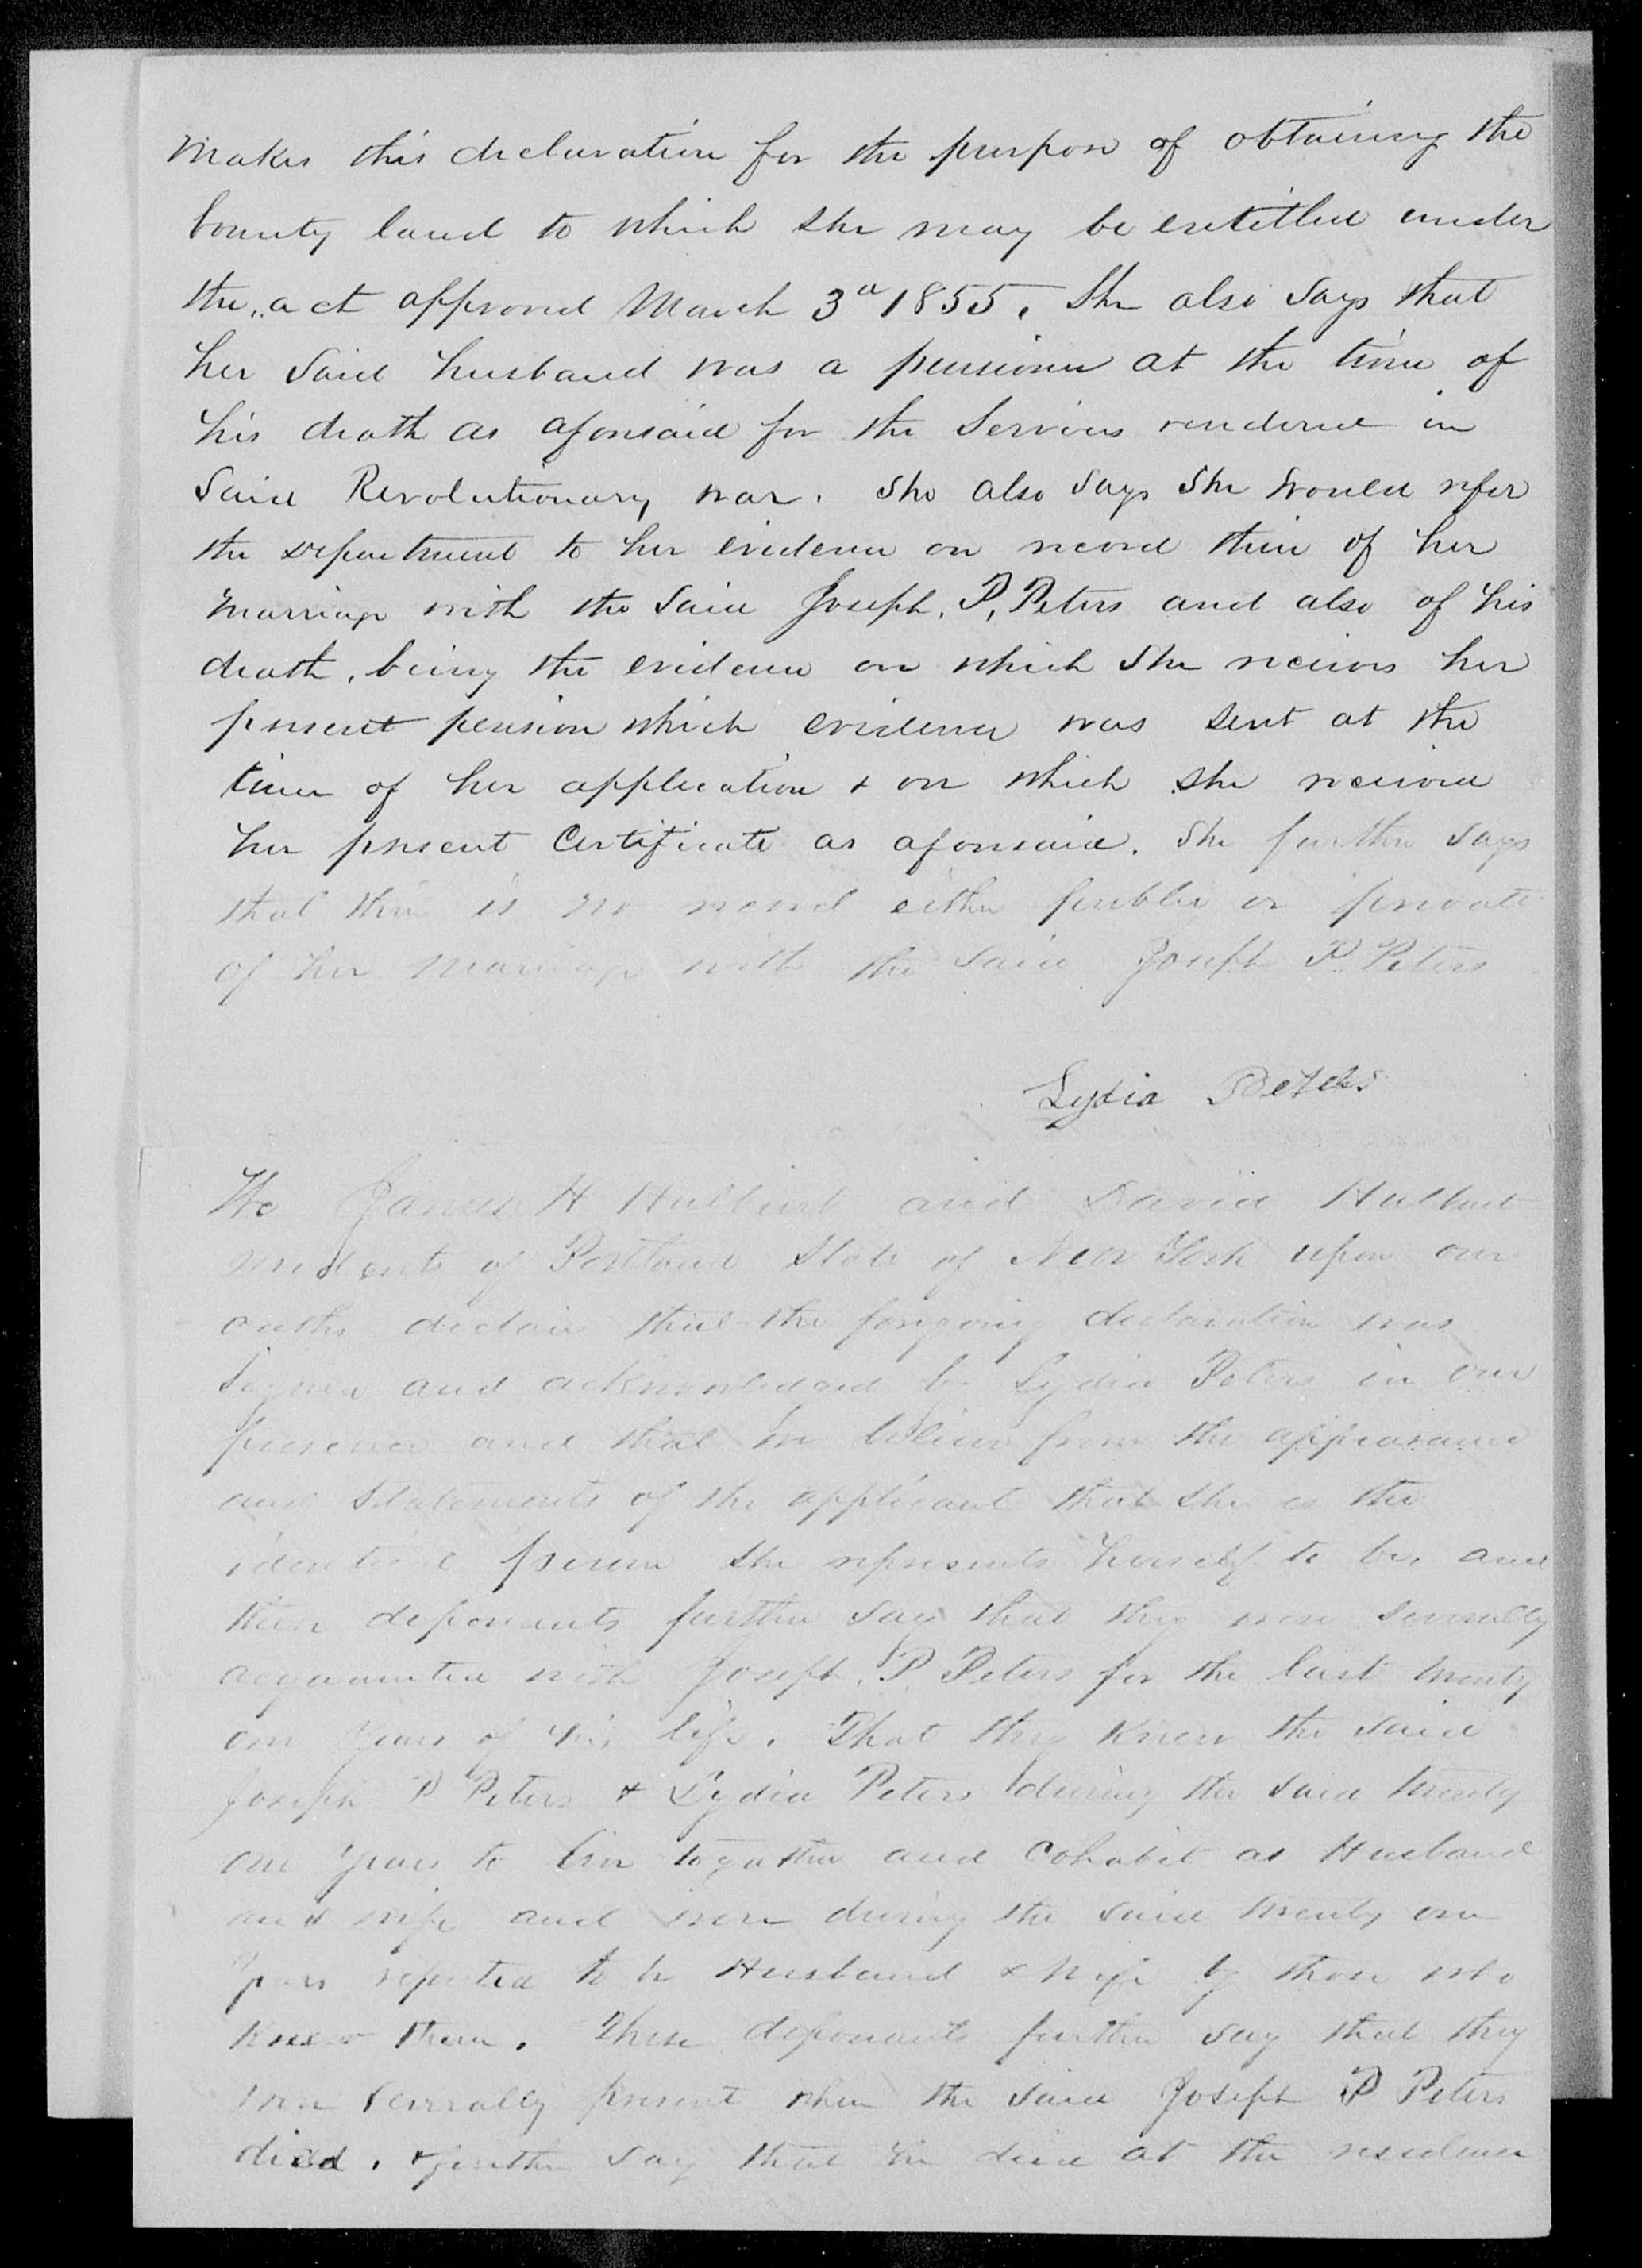makes this declaration for the purpose of obtaining the Bounty land to which she may be entitled under the act approved March 3d 1855. She also says that her said husband was a pensioner at the time of his death as aforesaid for the services rendered in said Revolutionary war, she also says she would refer the Department to her evidence on record their of her Marriage with the said Joseph P. Peters and also of his death, being the evidence on which she receives her present pension which evidence was sent at the time of her application & on which she received her present certificate as aforesaid. She further says that there is no record either public or private of her marriage with the said Joseph P Peters.   
Lydia Peters 
We James H Hulburt and David Hulburt residents of Portland State of New York upon our oaths declare that the foregoing declaration was Signed and acknowledged by Lydia Peters in our presence and that we believe from the appearance and statements of the applicant that she is the identical person she represents herself to be, and the deponents further say that they were severally acquainted with Joseph, P. Peters for the last twenty one years of this life. That they knew the said Joseph P Peters & Lydia Peters during the said twenty one years to live together and cohabit as Husband and wife and were during the said twenty one reputed to be husband & wife by those who knew them. These deponent further say that they were severally present when the said Joseph P Peters died & further say that he died at the residence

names: James H Hulburt; David Hulburt; Joseph P Peters; Lydia Peters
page: 23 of 73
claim: widow's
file: W. 2338, for Joseph P Peters, Connecticut